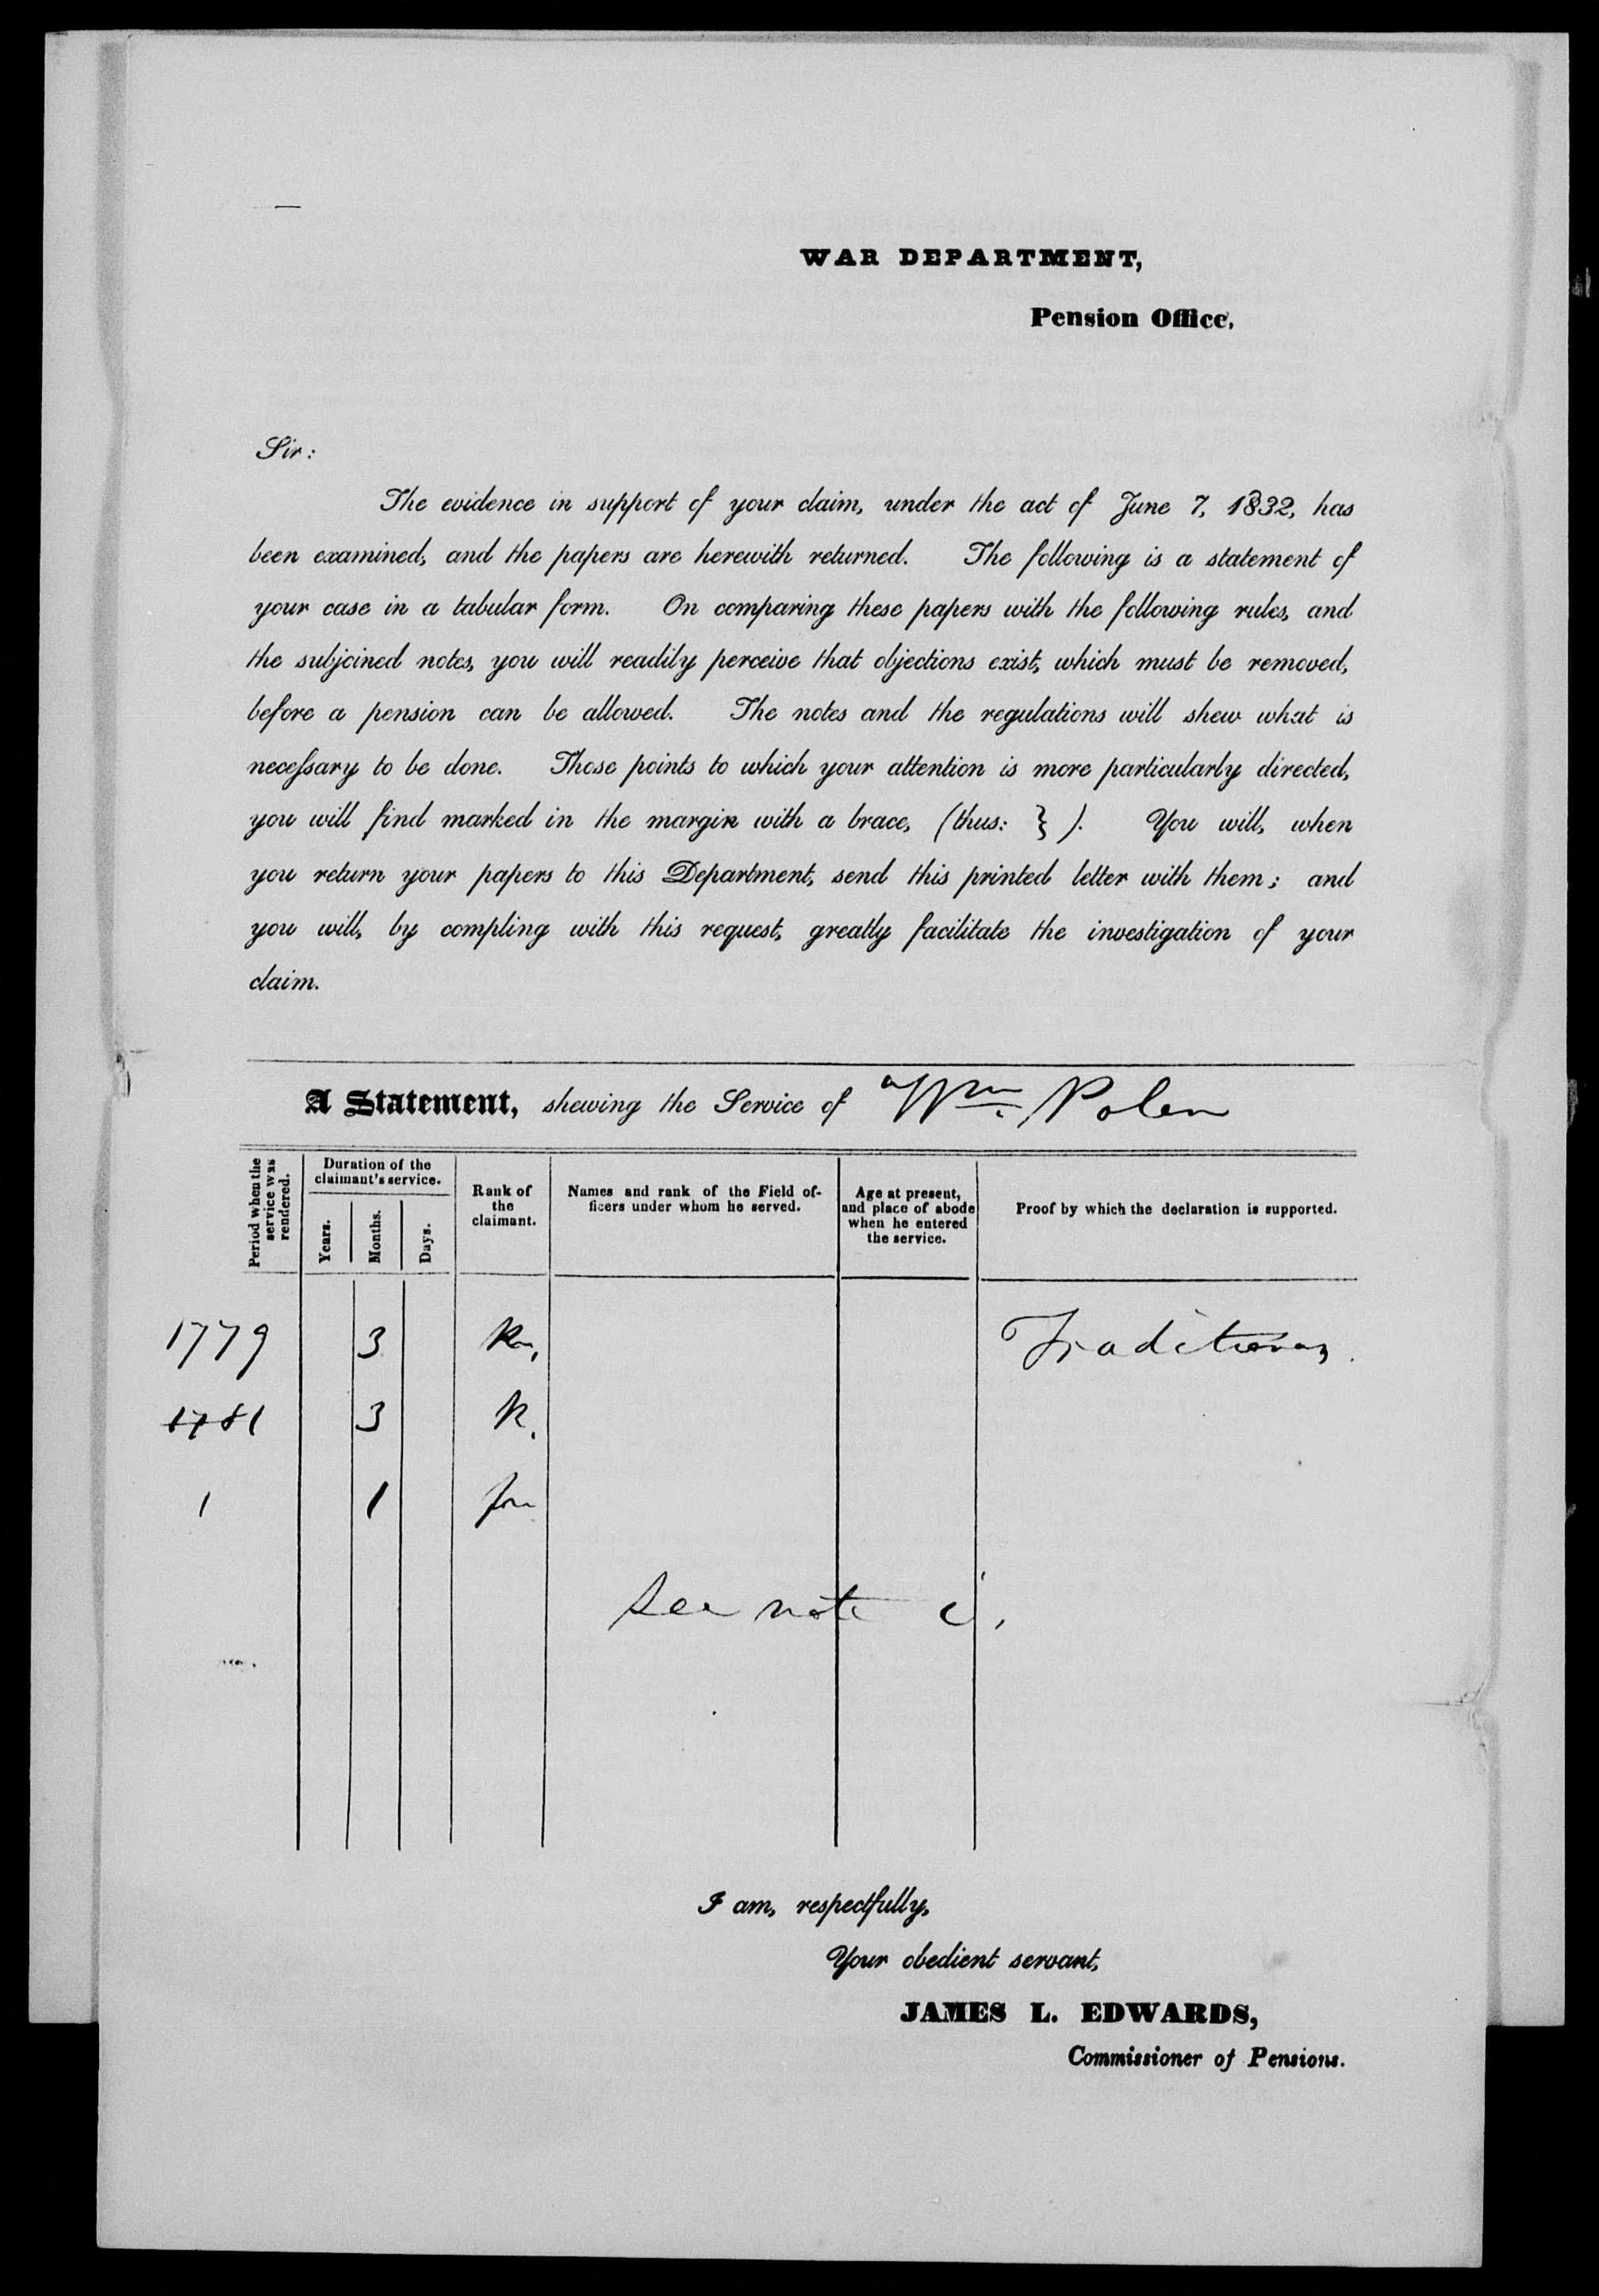WAR DEPARTMENT,
Pension Office,

Sir:
The evidence in support of your claim, under the act of June 7, 1832, has been examined, and the papers are herewith returned. The following is a statement of your case in a tabular form. On comparing these papers with the following rules, and the subjoined notes, you will readily perceive that objections exist, which must be removed, before a pension can be allowed. The notes and the regulations will show what is necessary to be done. Those points to which your attention is more particularly directed, you will find marked in the margin with a brace, (thus: }). You will, when you return your papers to this Department, send this printed letter with them; and you will, by complying with this request, greatly facilitate the investigation of your claim.

A Statement, showing the Service of Wm. Polen
Period when the service was rendered.
1779
Duration of the claimant’s service. Years. Months. Days.
3
3
1
Rank of the claimant.
pr.
pr.
pr.
Names and rank of the Field officers under whom he served.
Age at present, and place of abode when he entered the service.
Proof by which the declaration is supported.
Traditionary
See note C.

I am, respectfully,
Your obedient servant,
JAMES L. EDWARDS,
Commissioner of Pensions.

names: Wm Polen; James L Edwards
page: 9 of 21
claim: survivor's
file: S. 32453, for William Polen, Virginia